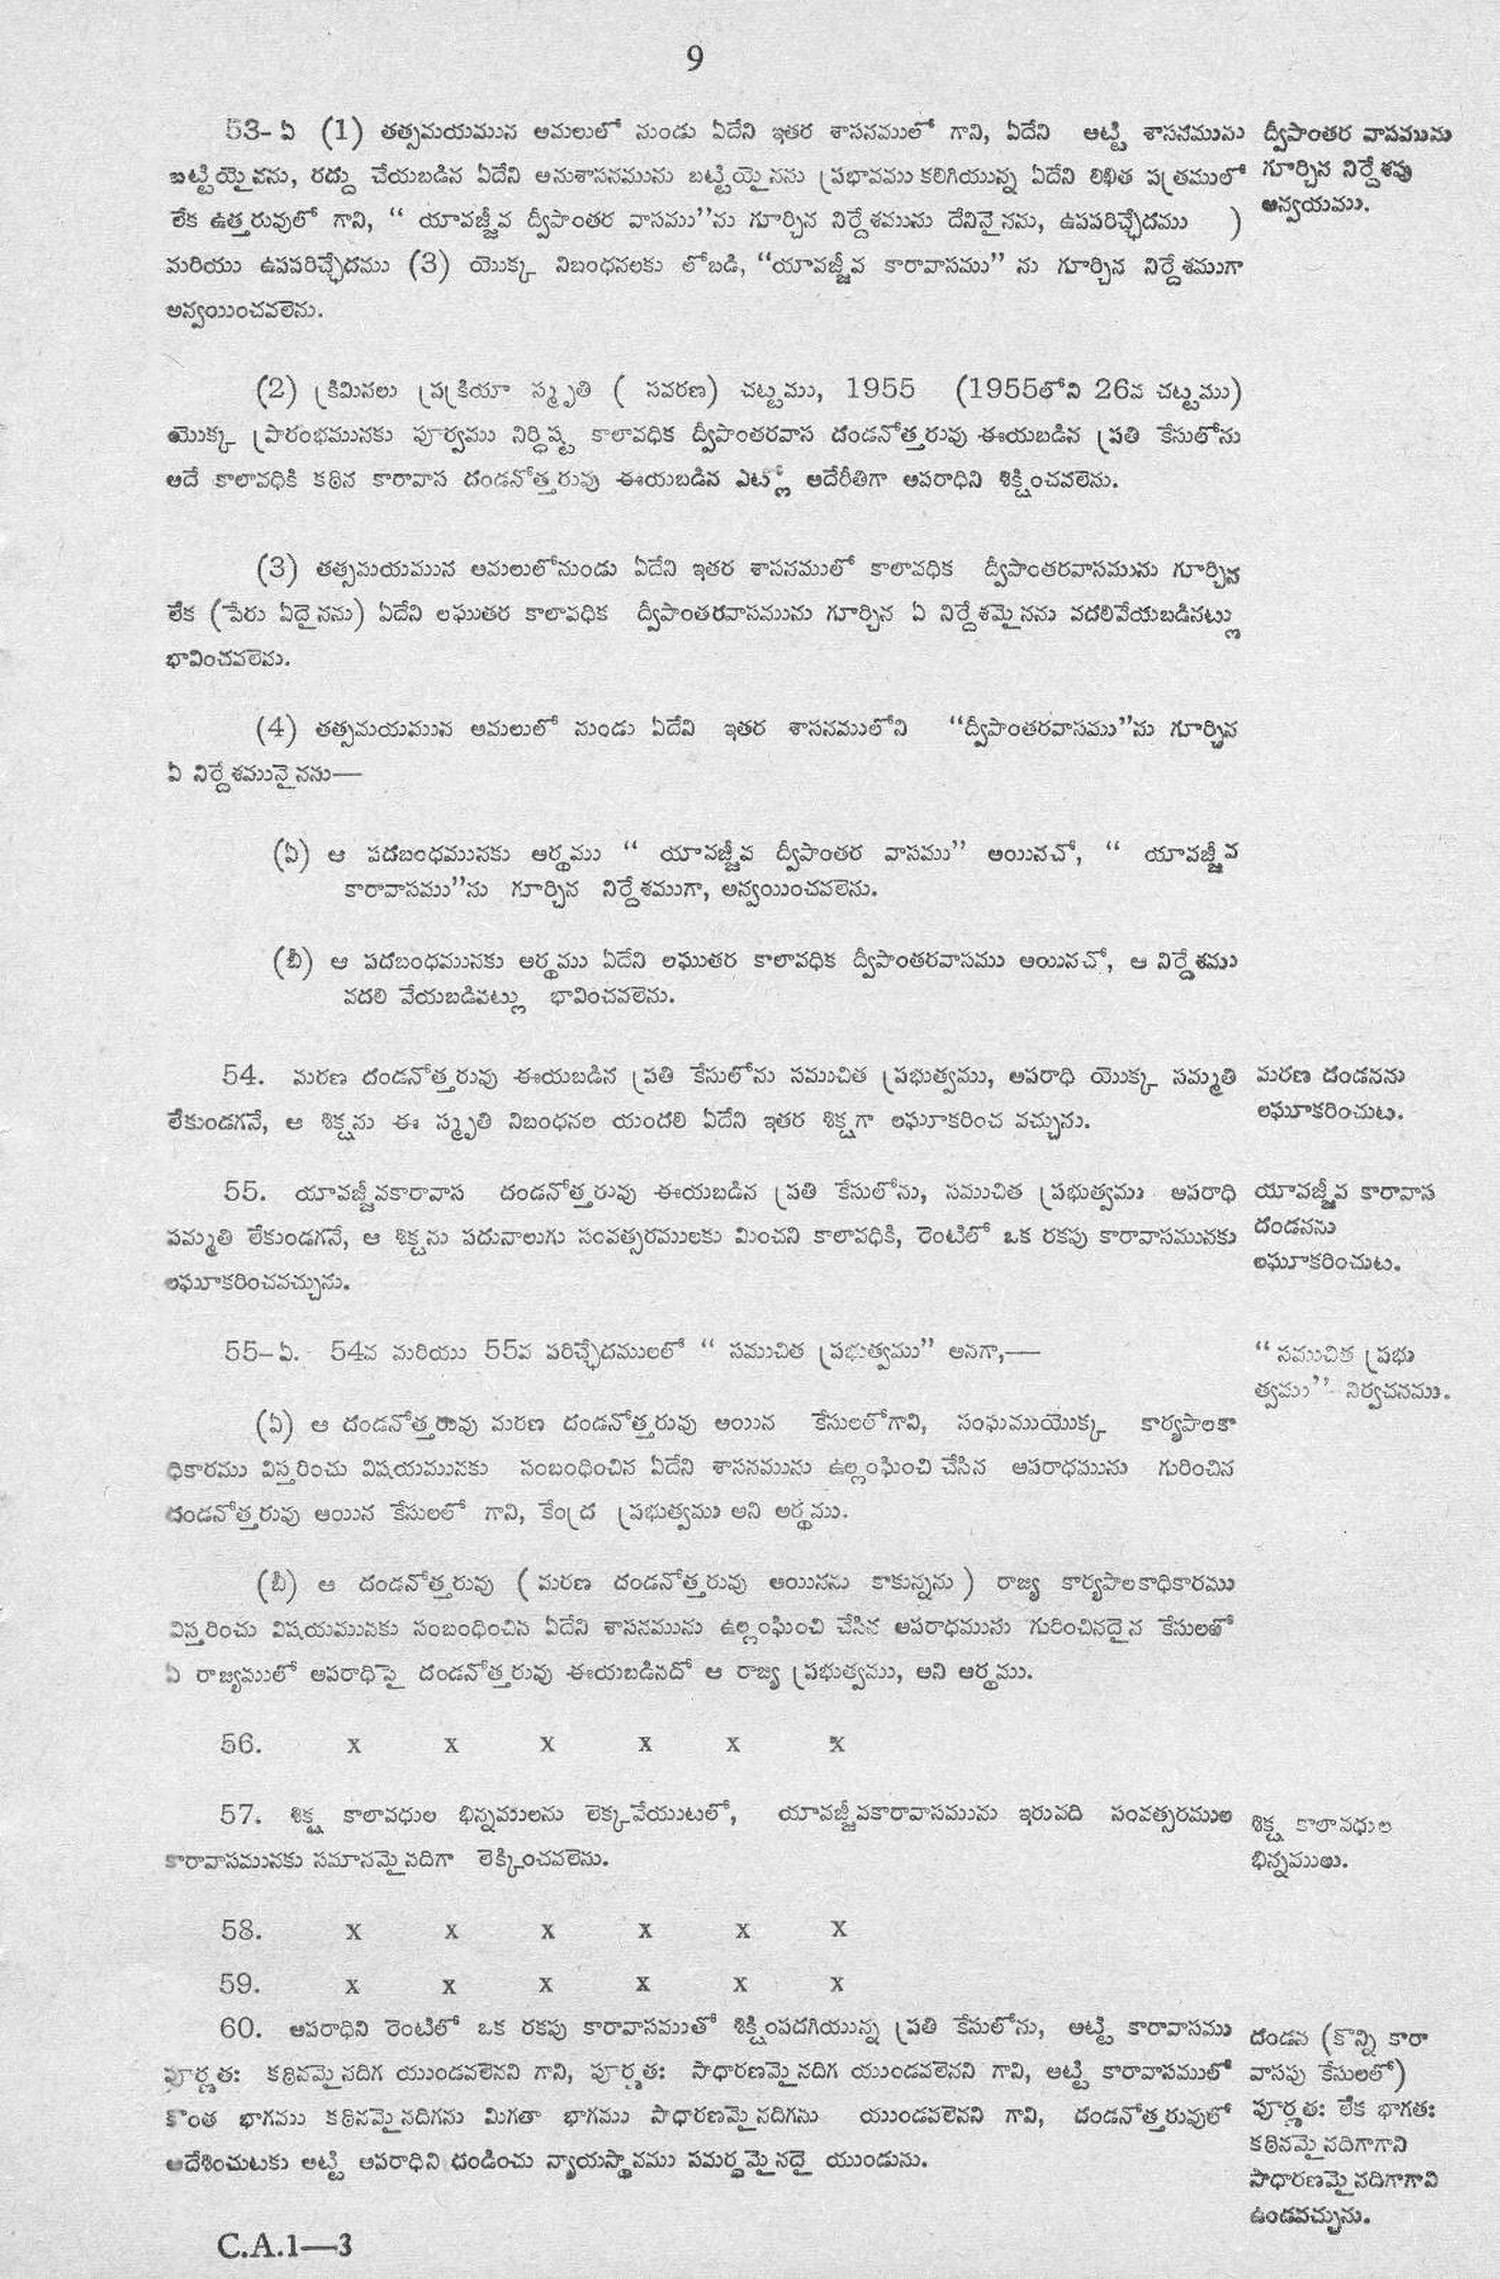ద్వీపాంతర వాసమును గూర్చిన నిర్దేశపు అన్వయము,

53- ఏ (1) తత్సమయమున అమలులో నుండు ఏదేని ఇతర శాసనములో గాని, ఏదేని ఆట్టి శాసనమును బట్టియైనను, రద్దు చేయబడిన ఏదేని ఆనుశాసనమును బట్టియైనను ప్రభావము కలిగియున్న ఏదేని లిఖిత పత్రములో లేక ఉత్తరువులో గాని, " యావజ్జీవ ద్వీపాంతర వాసము"ను గూర్చిన నిర్దేశమును దేనినైనను, ఉపపరిచ్ఛేదము మరియు ఉపపరిచ్ఛేదము (3) యొక్క నిబంధనలకు లోబడి, “యావజ్జీవ కారావాసము" ను గూర్చిన నిర్దేశముగా అన్వయించవలెను.

(2) క్రిమినలు ప్రక్రియా స్మృతి ( సవరణ) చట్టము, 1955 (1955లోని 26వ చట్టము) యొక్క ప్రారంభమునకు పూర్వము నిర్ధిష్ట కాలావధిక ద్వీపాంతరవాస దండనోత్తరువు ఈయబడిన ప్రతి కేసులోను ఆదే కాలావధికి కఠిన కారావాస దండనోత్తరువు ఈయబడిన ఎట్లో అదేరీతిగా అపరాధిని శిక్షించవలెను.

(3) తత్సమయమున అమలులోనుండు ఏదేని ఇతర శాసనములో కాలావధిక ద్వీపాంతరవాసమును గూర్చిన లేక (పేరు ఏదైనను) ఏదేని లఘుతర కాలావధిక ద్వీపాంతరవాసమును గూర్చిన ఏ నిర్దేశమనను వదలివేయబడినట్లు భావించవలెను.

(4) తత్సమయమున అమలులో నుండు ఏదేని ఇతర శాసనములోని “ద్వీపాంతరవాసము"ను గూర్చిన ఏ నిర్దేశమునైనను——

(ఏ) ఆ పదబంధమునకు అర్థము "యావజ్జీవ ద్వీపాంతర వాసము" అయినచో, “యావజ్జీవ కారావాసము" ను గూర్చిన నిర్దేశముగా, అన్వయించవలెను.

(బీ} ఆ పదబంధమునకు అర్థము ఏదేని లఘుతర కాలావధిక ద్వీపాంతరవాసము అయినచో, ఆ నిర్దేశము వదలి వేయబడినట్లు భావించవలెను.

మరణదండనను లఘాకరించుట.

54. మరణ దండనోత్త రువు ఈయబడిన ప్రతి కేసులోను సమంచిత ప్రభుత్వము, అపరాధి యొక్క సమ్మతి లేకుండగనే, ఆ శిక్షను ఈ స్మృతి నిబంధనల యందలి ఏదేని ఇతర శిక్షగా లఘాకరించ వచ్చును.

యావజ్జీవ కారావాస దండనను లఘాకరించుట.

55. యావజ్జీవకారావాస దండనోత్తరువు ఈయబడిన ప్రతి కేసులోను, సముచిత ప్రభుత్వము ఆపరాధి సమ్మతి లేకుండగనే, ఆ శిక్షను పదునాలుగు సంవత్సరములకు మించని కాలావధికి, రెంటిలో ఒక రకపు కారావాసమునకు 
లఘకరించవచ్చును.

55-ఏ. 54వ మరియు 55వ పరిచ్ఛేదములలో “ సముచిత ప్రభుత్వము" అనగా,——

సముచిత ప్రభుత్వము నిర్వచనము.

(ఏ) ఆ దండనోత్తరువు మరణ దండనోత్తరువు అయిన కేసులలోగాని, సంఘము యొక్క కార్యపాలకాధికారము విస్తరించు విషయమునకు సంబంధించిన ఏదేని శాసనమును ఉల్లంఘించి చేసిన అపరాధమును గురించిన దండనోత్తరువు అయిన కేసులలో గాని, కేంద్ర ప్రభుత్వము అని అర్థము.

ఆ దండనోత్తరువు (మరణ దండనోత్తరువు. అయినను. కాకున్నను ) రాజ్య కార్యపాలకాధికారము విస్తరించు విషయమునకు సంబంధించిన ఏదేని శాసనమును ఉల్లంఘించి చేసిన అపరాధమును గురించినదైన కేసులతో
ఏ రాజ్యములో అపరాధిపై దండనోత్తరువు ఈయబడినదో ఆ రాజ్య ప్రభుత్వము, అని అర్థము.

56.X X X X X X

శిక్ష కాలావధుల భిన్నములు.

57. శిక్ష కాలావధుల భిన్నములను లెక్క వేయుటలో, కారావాసమునకు సమానమై నదిగా లెక్కించవలెను. యావజ్జీవ కారావాసమును ఇరువది సంవత్సరముల కారావాసమునకు సమానమై నదిగా లెక్కించవలెను.

58. X X X X X X X X X X X X

59. X X X X X X X X X X X X

దండన (కొన్ని కారావాసపు కేసులలో) పూర్ణత: లేక భాగతః కఠినమైనదిగాగాని సాధారణమైనదిగాగాని ఉండవచ్చును.

60. అపరాధిని రెంటిలో ఒక రకపు కారావాసముతో శిక్షింపదగియున్న ప్రతి కేసులోను, అట్టి కారావాసము పూర్ణత: కఠినమైనదిగ యుండవలెనని గాని, పూర్ణత: సాధారణమై నదిగ యుండవలెనని గాని, అట్టి కారావాసములో కొంత భాగము కఠినమైనదిగను మిగతా భాగము సాధారణమైనదిగను యుండవలెనని గాని, దండనోత్తరువులో ఆదేశించుటకు అట్టి ఆపరాధిని దండించు న్యాయస్థానము సమర్ధమైనదై యుండును.